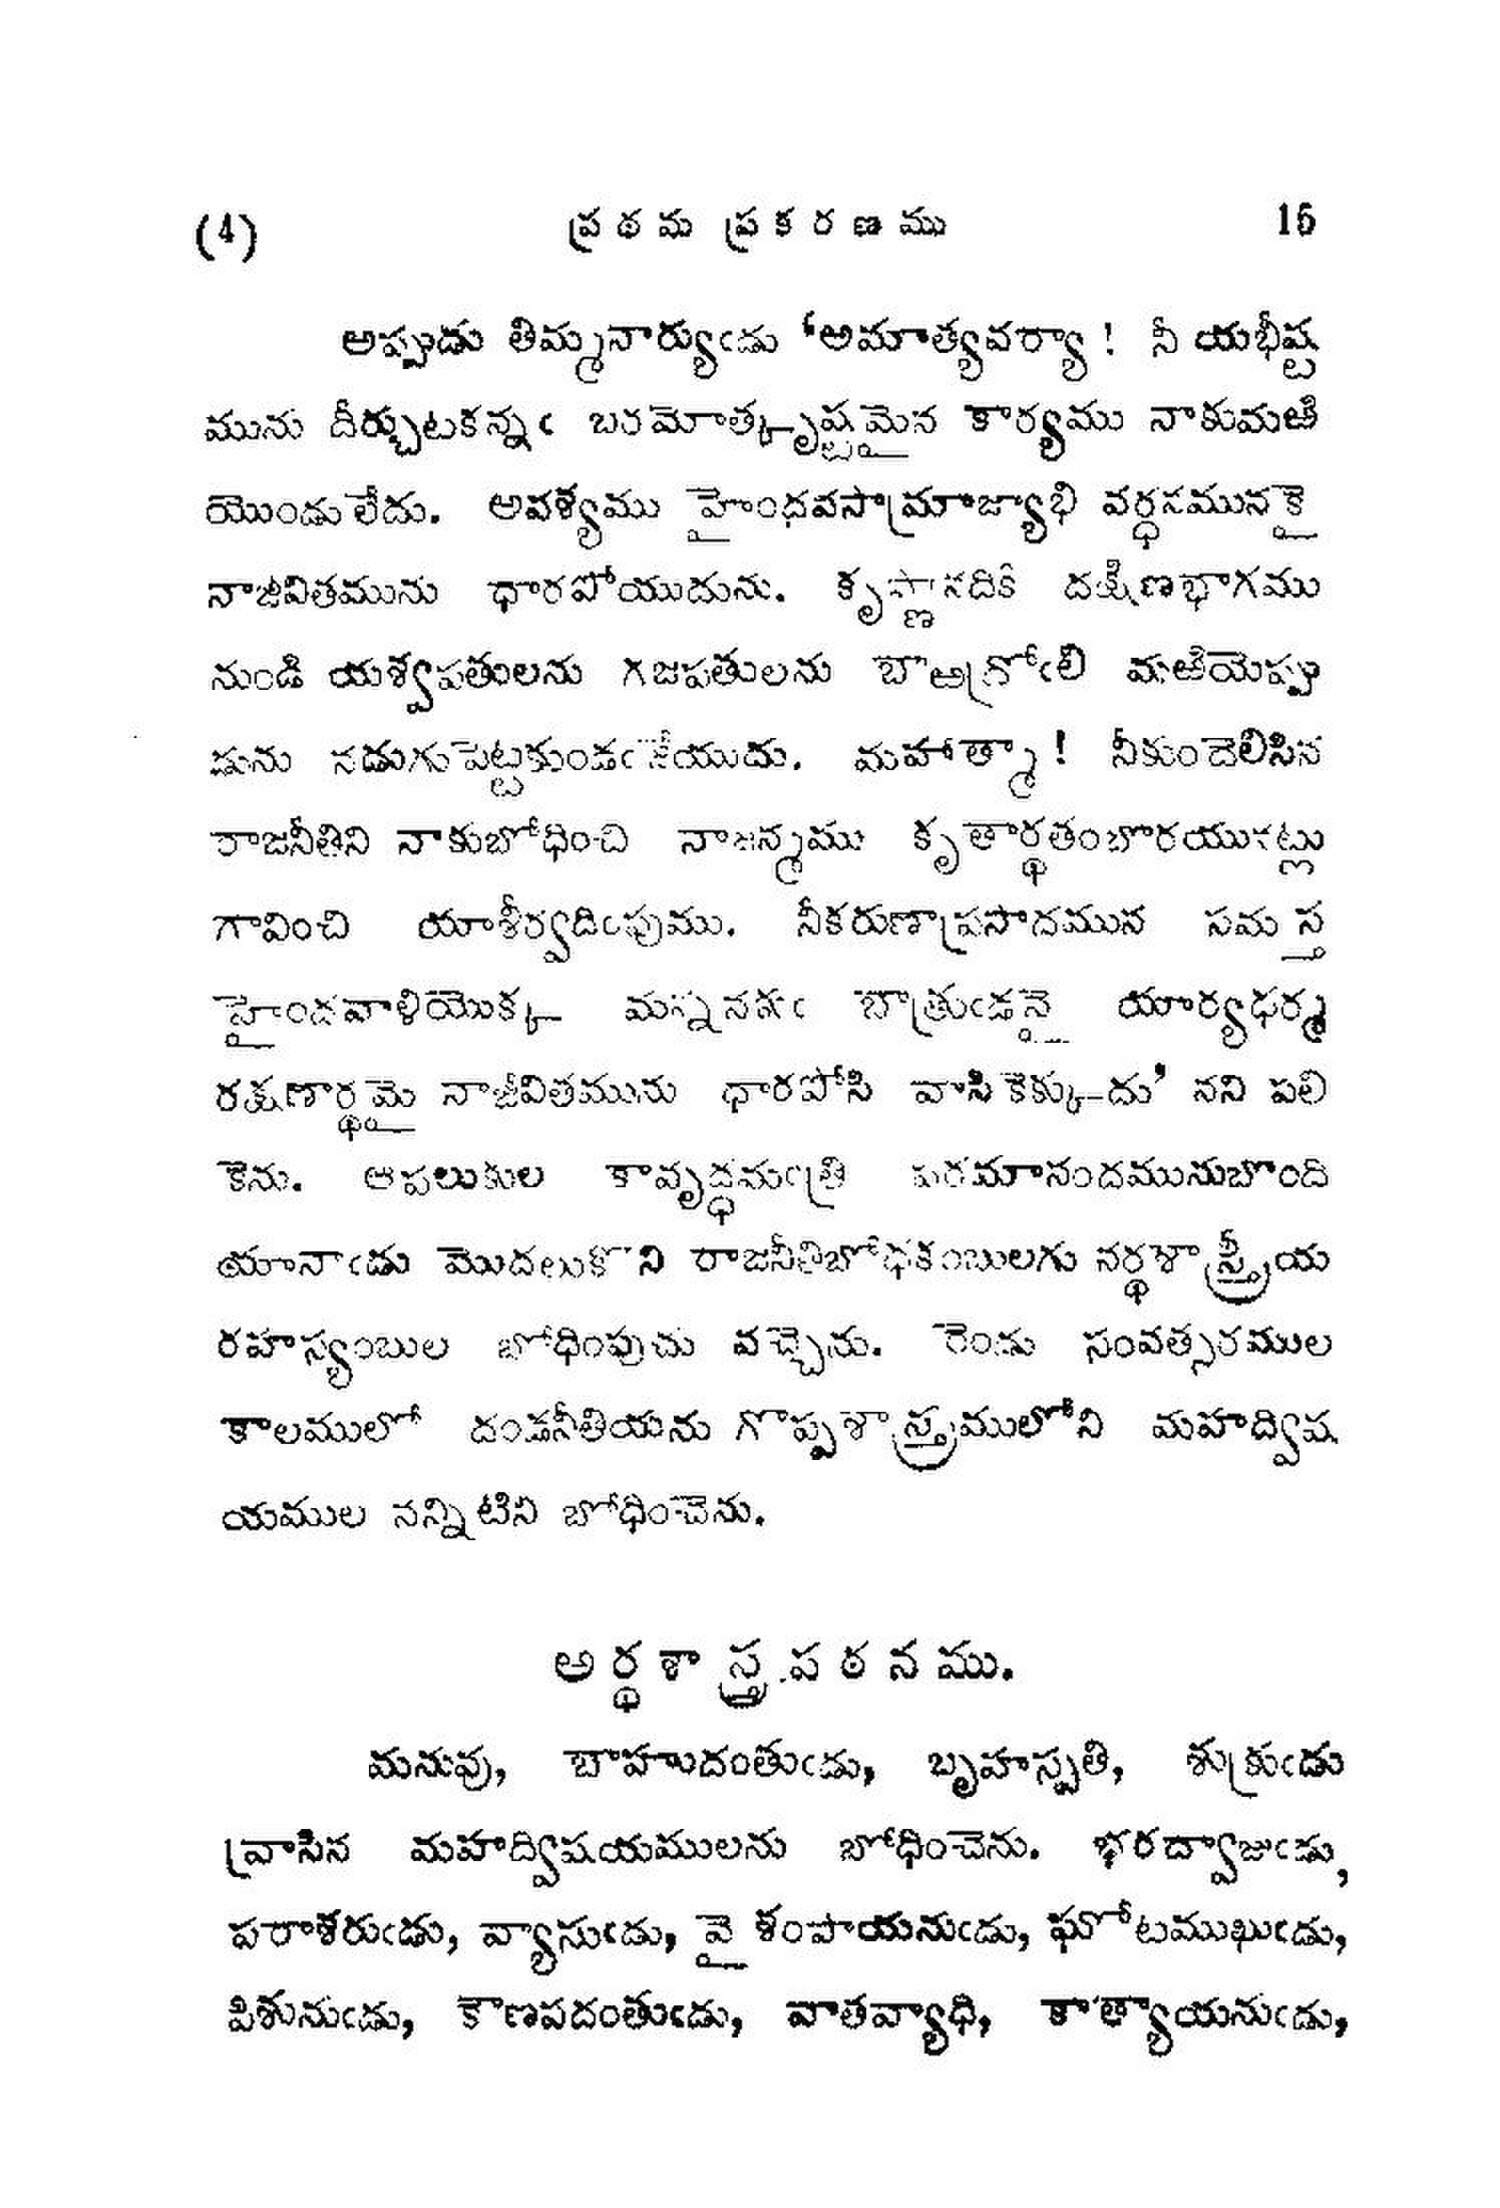అప్పుడు తిమ్మనార్యుఁడు 'అమాత్యవర్యా! నీ యభీష్టమును దీర్చుటకన్నఁ బరమోత్కృష్టమైన కార్యము నాకుమఱి యొండులేదు. అవశ్యము హైంధవసామ్రాజ్యాభి వర్ధనమునకై నాజీవితమును ధారపోయుదును. కృష్ణానదికి దక్షిణభాగము నుండి యశ్వపతులను గజపతులను బాఱద్రోఁలి మఱియెప్పుడును నడుగుపెట్టకుండఁజేయుదు. మహాత్మా! నీకుందెలిసిన రాజనీతిని నాకుబోధించి నాజన్మము. కృతార్థతంబొరయునట్లు గావించి యాశీర్వదింపుము. నీకరుణాప్రసాదమున సమస్త హైందవాళియొక్క మన్ననకుఁ బాత్రుఁడనై యార్యధర్మరక్షణార్థమై నాజీవితమును ధారపోసి వాసికెక్కుదు' నని పలికెను. ఆపలుకుల కావృద్ధమంత్రి పరమానందమునుబొంది యానాఁడు మొదలుకొని రాజనీతిబోధకంబులగు నర్థశాస్త్రీయ రహస్యంబుల బోధింపుచు వచ్చెను. రెండు సంవత్సరముల కాలములో దండనీతియను గొప్పశాస్త్రములోని మహద్విషయముల నన్నిటిని బోధించెను.

అర్థశాస్త్రపఠనము.

మనువు, బాహుదంతుఁడు, బృహస్పతి, శుక్రుఁడు వ్రాసిన మహద్విషయములను బోధించెను. భరద్వాజుఁడు, పరాశరుఁడు, వ్యాసుఁడు, వైశంపాయనుఁడు, ఘోటముఖుఁడు, పిశునుఁడు, కౌణపదంతుఁడు, వాతవ్యాధి, కాత్యాయనుఁడు,